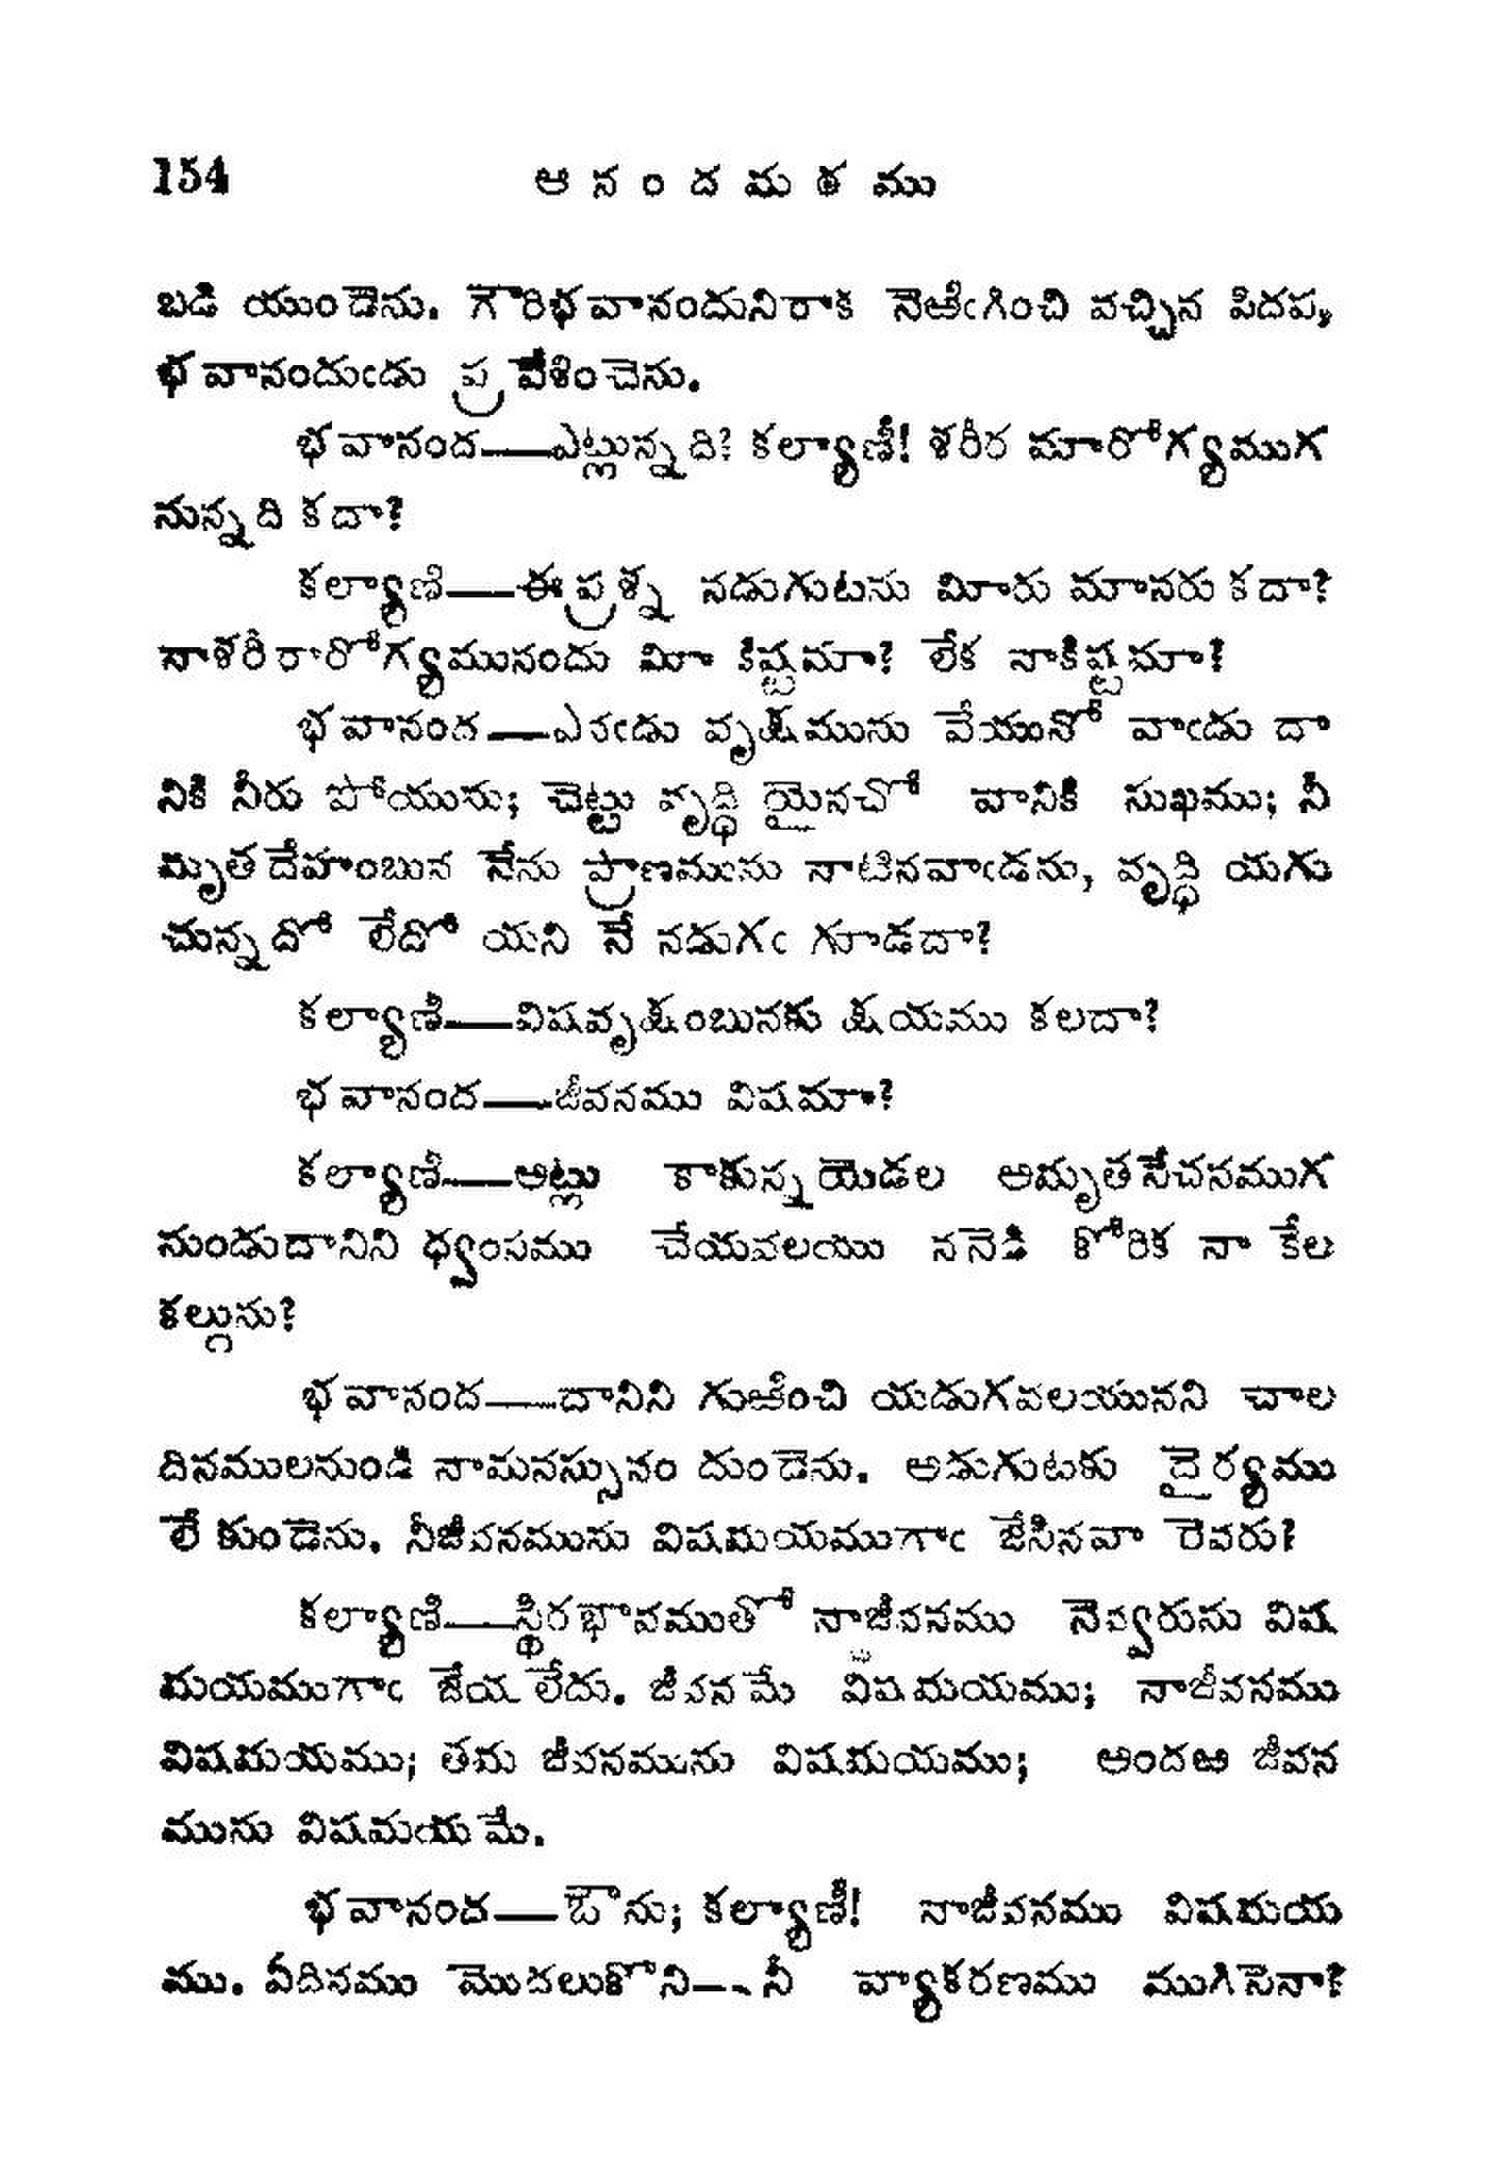బడి యుండెను. గౌరిభవానందునిరాక నెఱిఁగించి వచ్చిన పిదప, భవానందుఁడు ప్రవేశించెను.

భవానంద—— ఎట్లున్నది? కల్యాణీ! శరీర మారోగ్యముగ నున్నది కదా?

కల్యాణి—— ఈ ప్రశ్న నడుగుటను మీరు మానరు కదా? నాశరీరారోగ్యమునందు మీ కిష్టమా? లేక నాకిష్టమా?

భవానంద——ఎవఁడు వృక్షమును వేయునో వాఁడు దానికి నీరు పోయును; చెట్టు వృద్ధియైనచో వానికి సుఖము; నీ
మృత దేహంబున నేను ప్రాణమును నాటినవాఁడను, వ్రుద్ది యగు చున్నదో లేదో యని నే నడుగఁ గూడదా?

కల్యాణి——విషవృక్షంబునకు క్షయము కలదా?

భవానంద——జీవనము విషమా?

కల్యాణీ—— అట్లు కాకున్న యెడల అమ్రతనేచనముగ నుండుదానిని ధ్వంసము చేయవలయు ననెడి కోరిక నా కేల
కల్గును?

భవానంద——దానిని గుఱించి యడుగవలయునని చాల దినములనుండి నామనస్సునం దుండెను. అడుగుటకు దైర్యము
లేకుండెను, నీజీవనమును విషమయముగాఁ జేసినవా రెవరు?

కల్యాణి——స్థిరభావముతో నాజీవనము నెవ్వరును విషమయముగాఁ జేయ లేదు. జీవనమే విషమయము; నాజీవనము
విషమయము; తమ జీవనమును విషమయము; అందఱ జీవనమును విషమయమే.

భవానంద——ఔను; కల్యాణీ! నాజీవనము విషమయము. ఏదినము మొదలుకొని——నీ వ్యాకరణము ముగిసెనా?